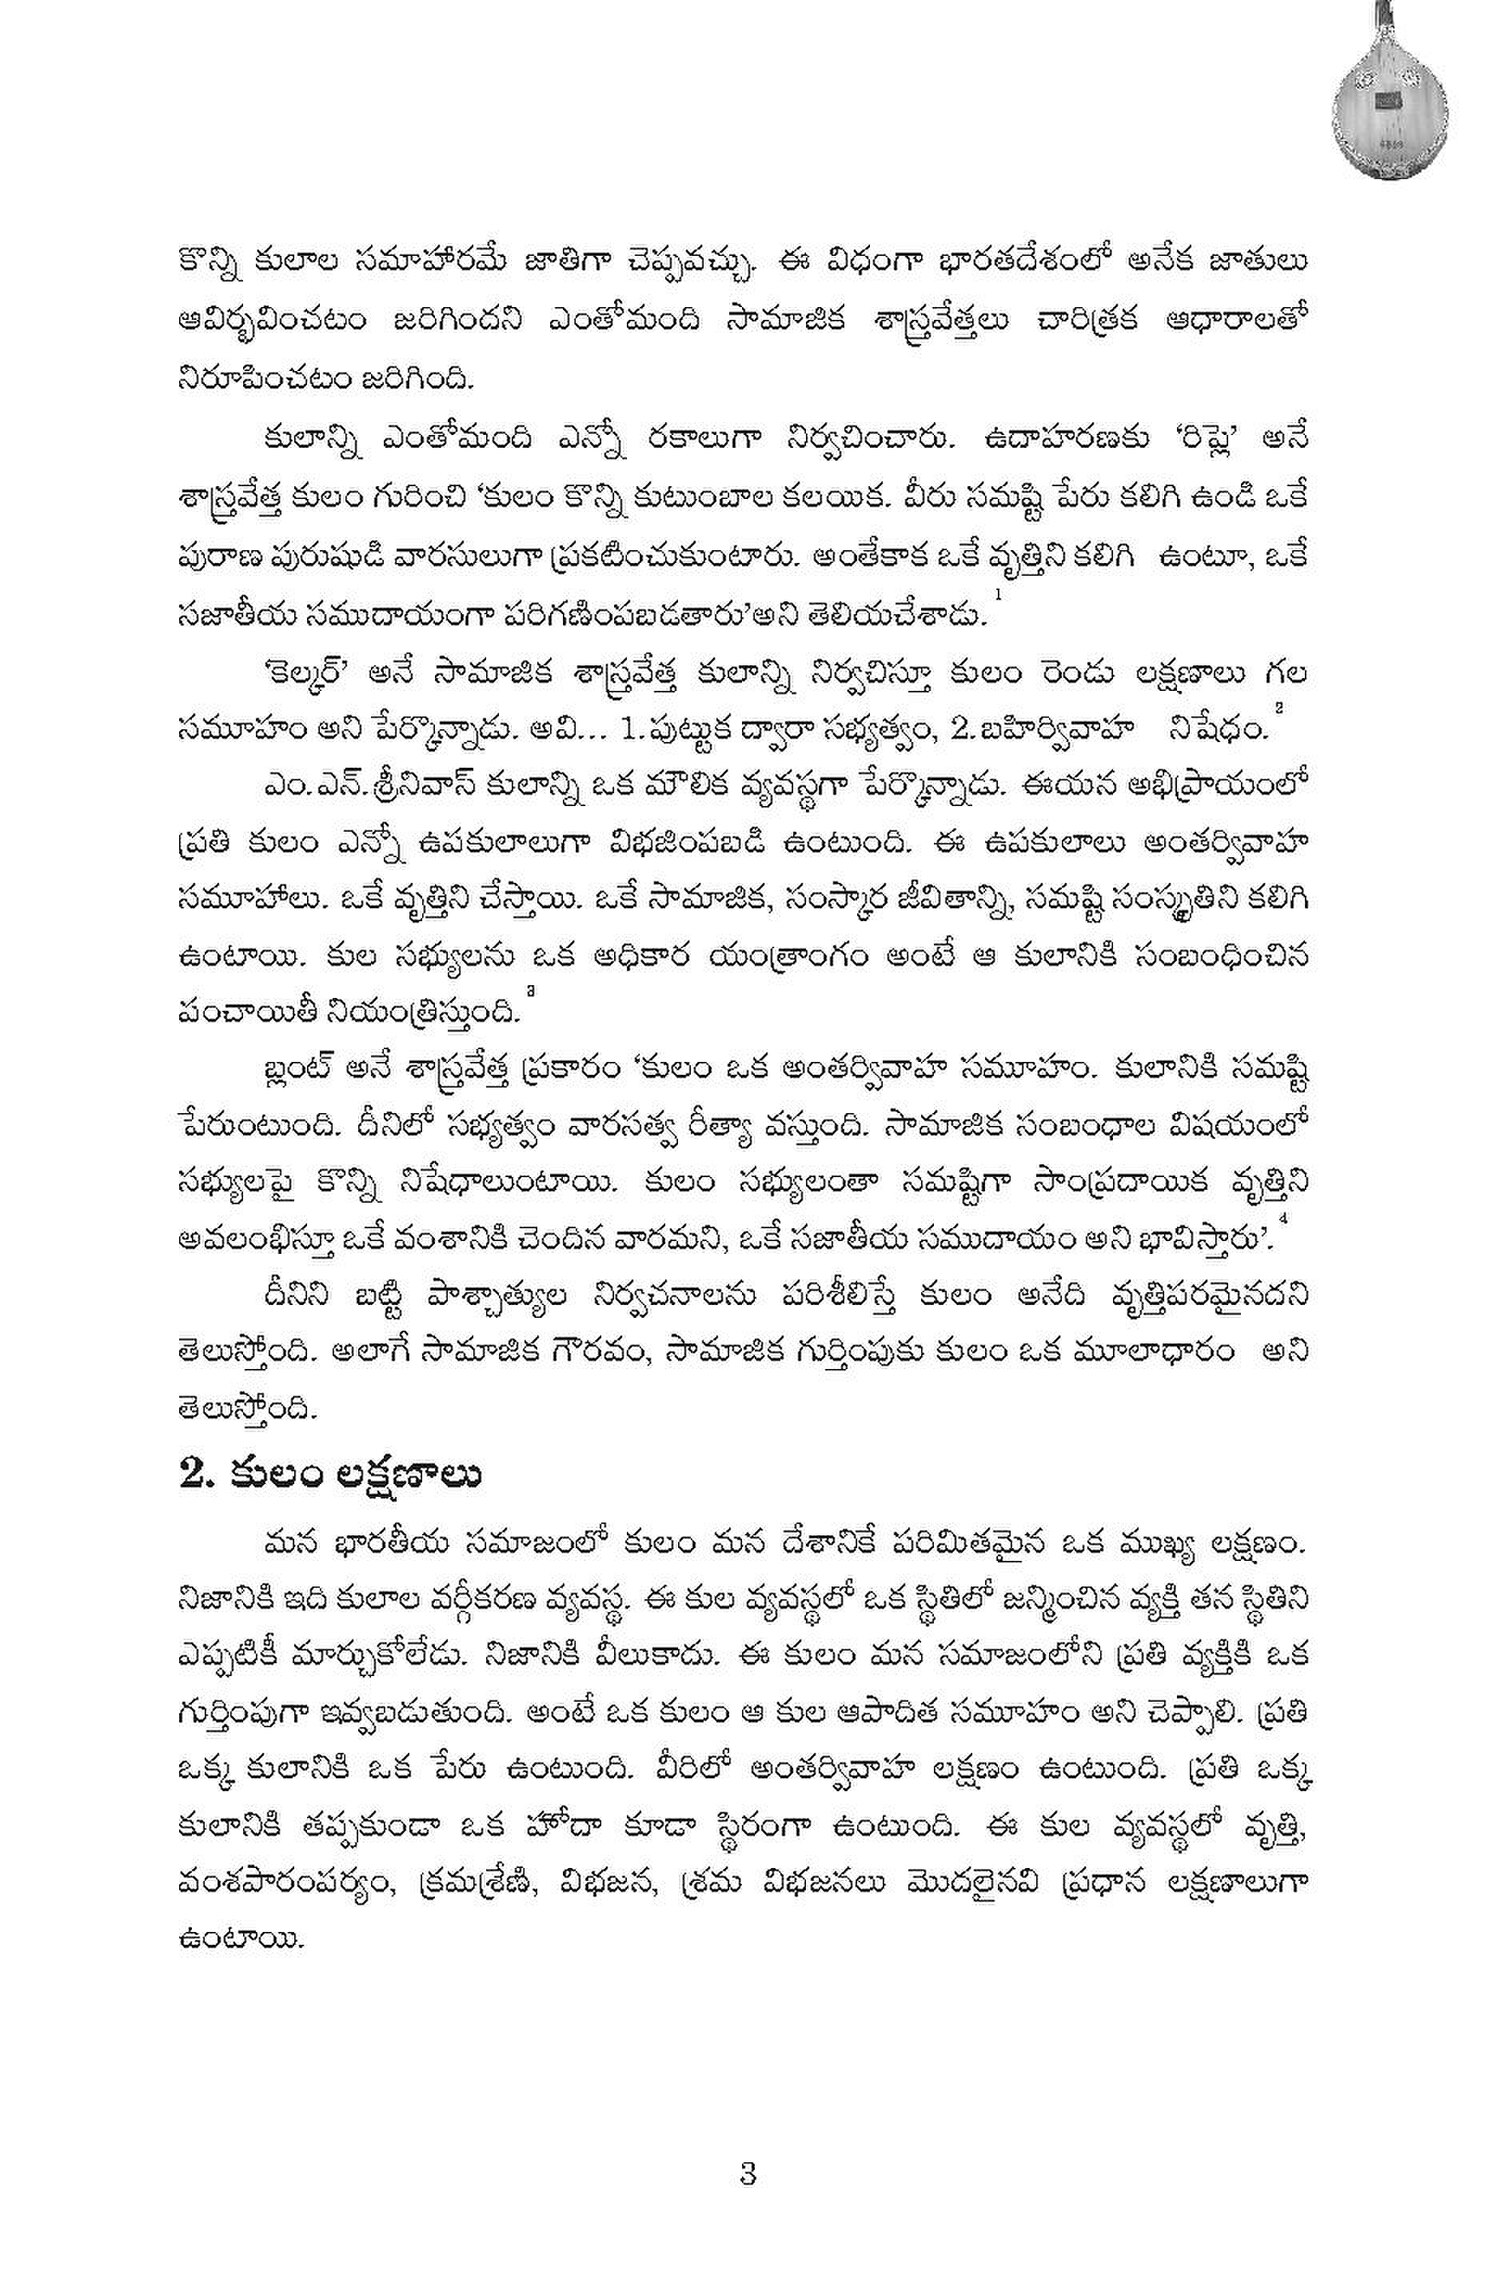కొన్ని కులాల సమాహారమే జాతిగా చెప్పవచ్చు. ఈ విధంగా భారతదేశంలో అనేక జాతులు ఆవిర్భవించటం జరిగిందని ఎంతోమంది సామాజిక శాస్త్రవేత్తలు చారిత్రక ఆధారాలతో నిరూపించటం జరిగింది.

కులాన్ని ఎంతోమంది ఎన్నో రకాలుగా నిర్వచించారు. ఉదాహరణకు 'రిప్లె' అనే శాస్త్రవేత్త కులం గురించి 'కులం కొన్ని కుటుంబాల కలయిక. వీరు సమష్టి పేరు కలిగి ఉండి ఒకే పురాణ పురుషుడి వారసులుగా ప్రకటించుకుంటారు. అంతేకాక ఒకే వృత్తిని కలిగి ఉంటూ, ఒకే సజాతీయ సముదాయంగా పరిగణింపబడతారు' అని తెలియచేశాడు.1
 
'కెల్కర్' అనే సామాజిక శాస్త్రవేత్త కులాన్ని నిర్వచిస్తూ కులం రెండు లక్షణాలు గల సమూహం అని పేర్కొన్నాడు. అవి... 1. పుట్టుక ద్వారా సభ్యత్వం, 2. బహిర్వివాహ నిషేధం.2

ఎం.ఎన్.శ్రీనివాస్ కులాన్ని ఒక మౌలిక వ్యవస్థగా పేర్కొన్నాడు. ఈయన అభిప్రాయంలో ప్రతి కులం ఎన్నో ఉపకులాలుగా విభజింపబడి ఉంటుంది. ఈ ఉపకులాలు అంతర్వివాహ సమూహాలు. ఒకే వృత్తిని చేస్తాయి. ఒకే సామాజిక, సంస్కార జీవితాన్ని, సమష్టి సంస్కృతిని కలిగి ఉంటాయి. కుల సభ్యులను ఒక అధికార యంత్రాంగం అంటే ఆ కులానికి సంబంధించిన పంచాయితీ నియంత్రిస్తుంది.3

బ్లంట్ అనే శాస్త్రవేత్త ప్రకారం 'కులం ఒక అంతర్వివాహ సమూహం. కులానికి సమష్టి పేరుంటుంది. దీనిలో సభ్యత్వం వారసత్వ రీత్యా వస్తుంది. సామాజిక సంబంధాల విషయంలో సభ్యులపై కొన్ని నిషేధాలుంటాయి. కులం సభ్యులంతా సమష్టిగా సాంప్రదాయిక వృత్తిని అవలంభిస్తూ ఒకే వంశానికి చెందిన వారమని, ఒకే సజాతీయ సముదాయం అని భావిస్తారు.4

దీనిని బట్టి పాశ్చాత్యుల నిర్వచనాలను పరిశీలిస్తే కులం అనేది వృత్తిపరమైనదని తెలుస్తోంది. అలాగే సామాజిక గౌరవం, సామాజిక గుర్తింపుకు కులం ఒక మూలాధారం అని తెలుస్తోంది.

2. కులం లక్షణాలు 

మన భారతీయ సమాజంలో కులం మన దేశానికే పరిమితమైన ఒక ముఖ్య లక్షణం. నిజానికి ఇది కులాల వర్గీకరణ వ్యవస్థ. ఈ కుల వ్యవస్థలో ఒక స్థితిలో జన్మించిన వ్యక్తి తన స్థితిని ఎప్పటికీ మార్చుకోలేడు. నిజానికి వీలుకాదు. ఈ కులం మన సమాజంలోని ప్రతి వ్యక్తికి ఒక గుర్తింపుగా ఇవ్వబడుతుంది. అంటే ఒక కులం ఆ కుల ఆపాదిత సమూహం అని చెప్పాలి. ప్రతి ఒక్క కులానికి ఒక పేరు ఉంటుంది. వీరిలో అంతర్వివాహ లక్షణం ఉంటుంది. ప్రతి ఒక్క
కులానికి తప్పకుండా ఒక హోదా కూడా స్థిరంగా ఉంటుంది. ఈ కుల వ్యవస్థలో వృత్తి, వంశపారంపర్యం, క్రమశ్రేణి, విభజన, శ్రమ విభజనలు మొదలైనవి ప్రధాన లక్షణాలుగా ఉంటాయి.